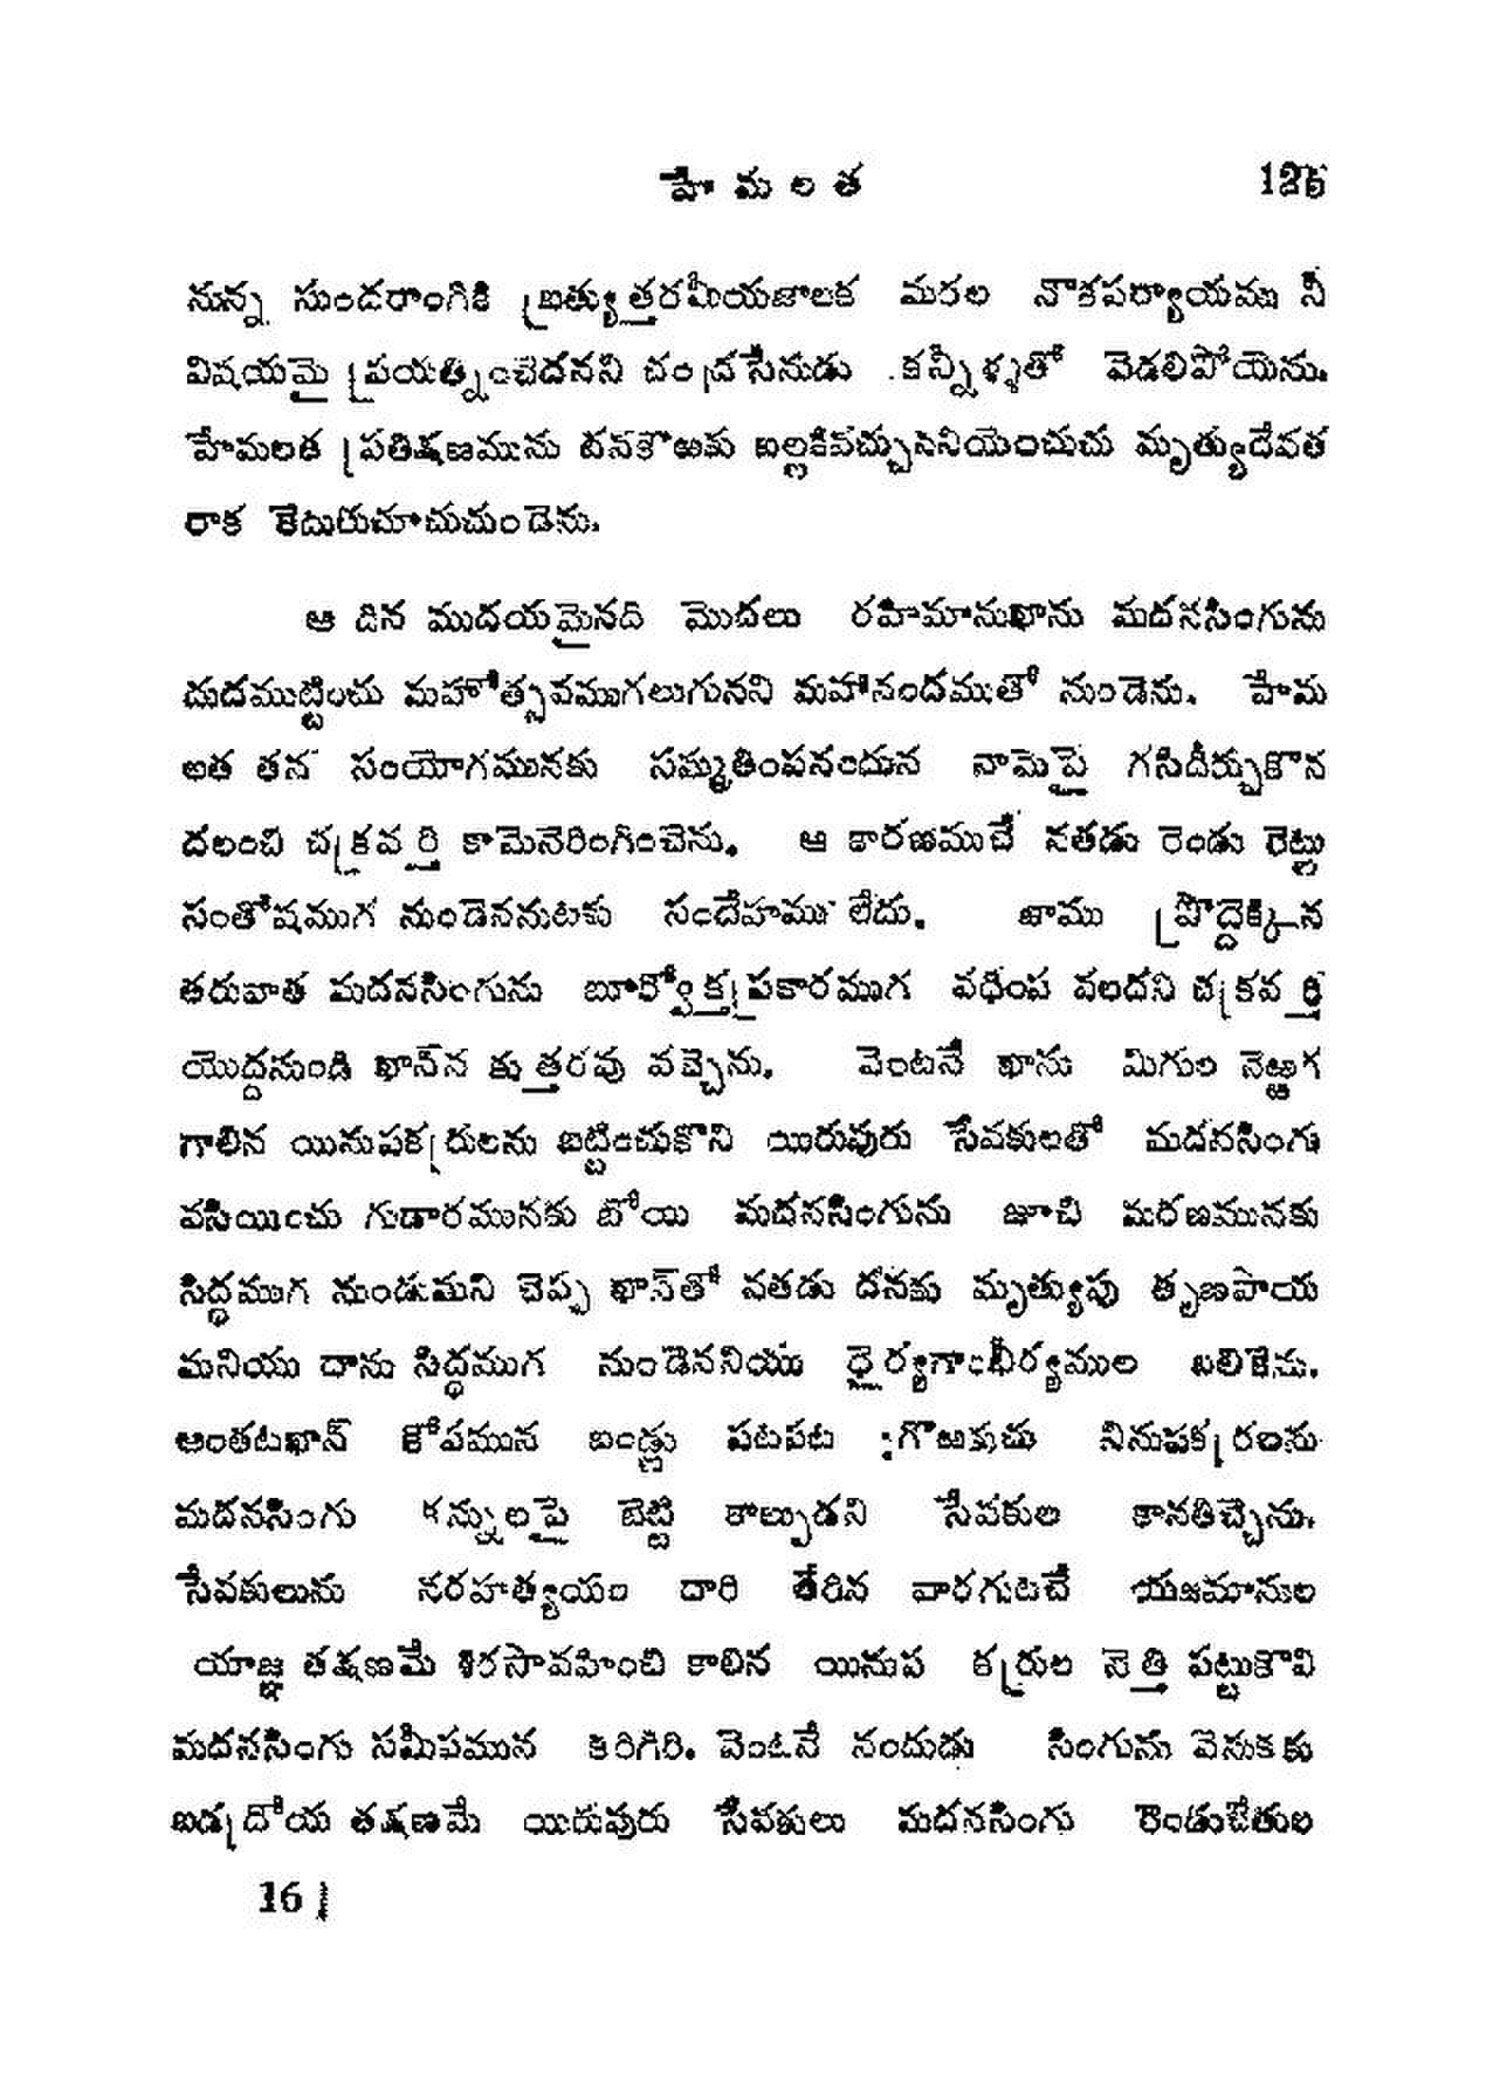నున్న సుందరాంగికి బ్రత్యుత్తరమీయజాలక మరల నొకపర్యాయము నీ విషయమై ప్రయత్నించెదనని చంద్రసేనుడు కన్నీళ్ళతో వెడలిపోయెను. హేమలత ప్రతిక్షణమును తనకొఱకు బల్లకివచ్చుననియెంచుచు మృత్యుదేవత రాక కెదురుచూచుచుండెను.

ఆ దిన ముదయమైనది మొదలు రహిమానుఖాను మదనసింగును దుదముట్టించు మహోత్సవముగలుగునని మహానందముతో నుండెను. హేమలత తన సంయోగమునకు సమ్మతింపనందున నామెపై గసిదీర్చుకొన దలంచి చక్రవర్తి కామెనెరింగించెను. ఆ కారణముచే నతడు రెండు రెట్లు సంతోషముగ నుండెననుటకు సందేహము లేదు. జాము ప్రొద్దెక్కిన తరువాత మదనసింగును బూర్వోక్త ప్రకారముగ వధింప వలదని చక్రవర్తి యొద్దనుండి ఖాన్ న కుత్తరవు వచ్చెను. వెంటనే ఖాను మిగుల నెఱ్ఱగ గాలిన యినుపకర్రులను బట్టించుకొని యిరువురు సేవకులతో మదనసింగు వసియించు గుడారమునకు బోయి మదనసింగును జూచి మరణమునకు సిద్ధముగ నుండుమని చెప్ప ఖాన్ తో నతడు దనకు మృత్యువు తృణపాయ మనియు దాను సిద్ధముగ నుండెననియు ధైర్యగాంభీర్యముల బలికెను. అంతటఖాన్ కోపమున బండ్లు పటపట గొఱకుచు నినుపకర్రలను మదనసింగు కన్నుల పై బెట్టి కాల్పుడని సేవకుల కానతిచ్చెను. సేవకులును నరహత్యయం దారి తేరిన వారగుటచే యజమానుల యాజ్ఞ తక్షణమే శిరసావహించి కాలిన యినుప కర్రుల నెత్తి పట్టుకొని మదనసింగు సమీపమున కరిగిరి. వెంటనే నందుడు సింగును వెనుకకు బడద్రోయ తక్షణమే యిరువురు సేవకులు మదనసింగు రెండుచేతుల